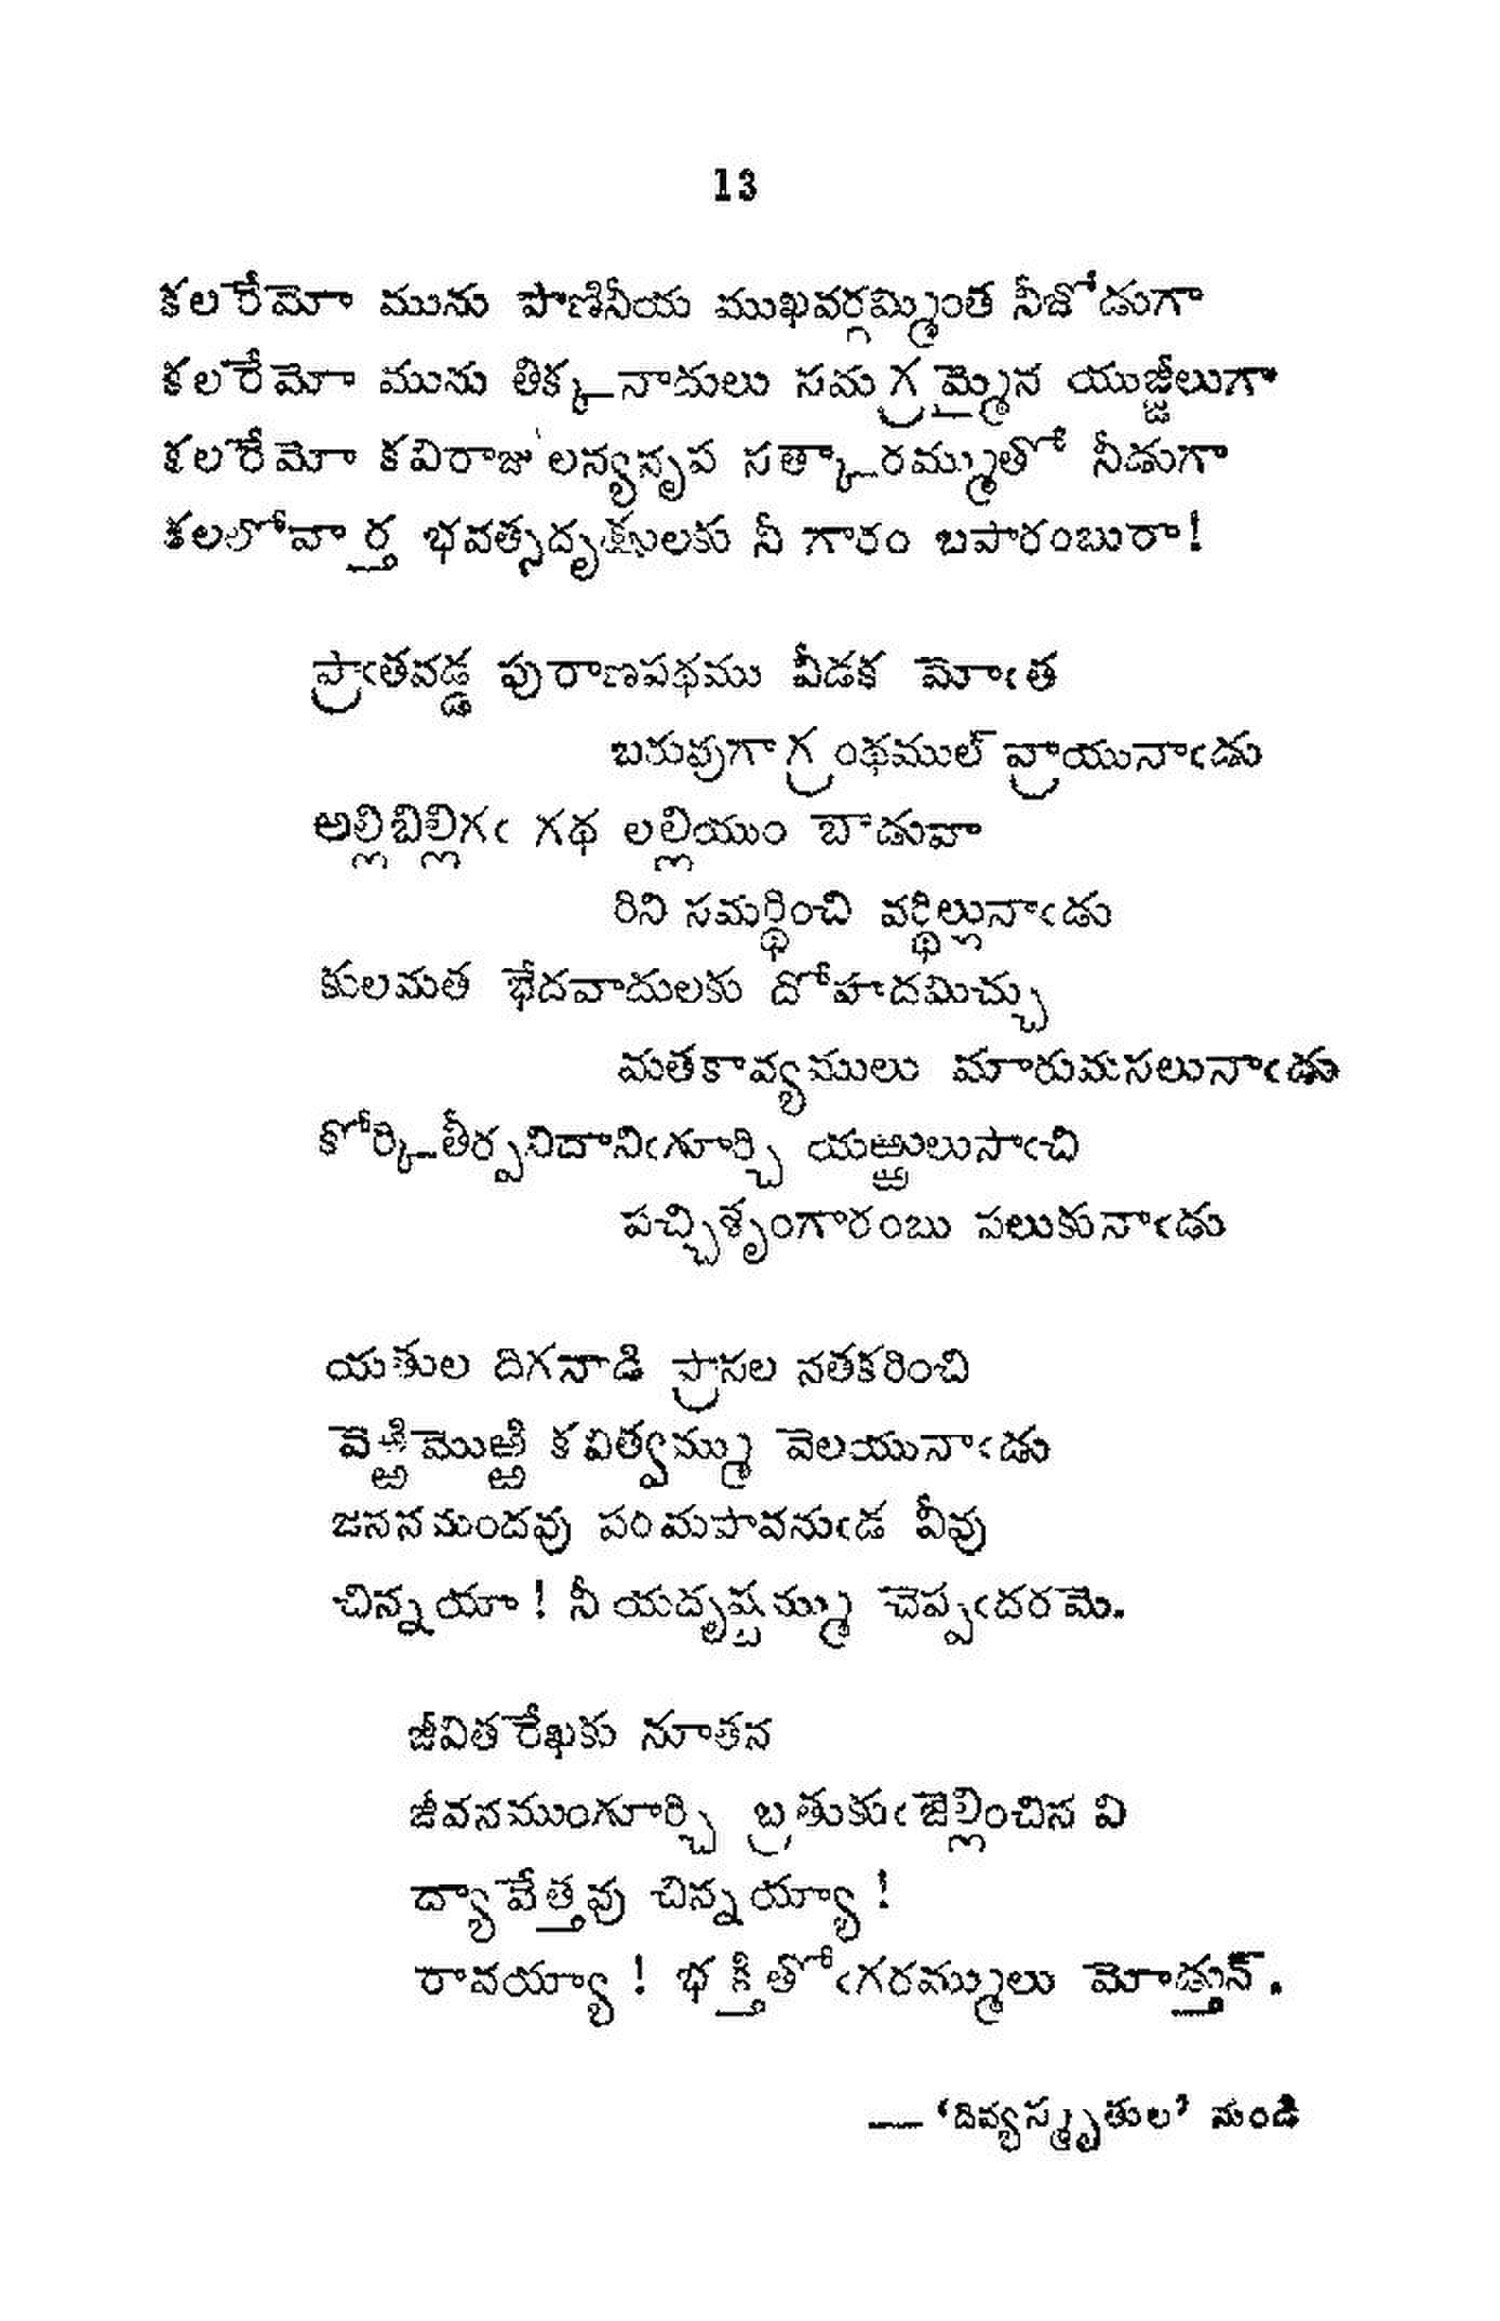కలరేమో మును పొణినీయ ముఖవర్గమ్మింత నీజోడుగా 
కలరేమో మును తిక్కనాదులు సమగ్రమ్మైన యుజ్జీలుగా 
కలరేమో కవిరాజు లన్యనృప సత్కారమ్ముతో నీడుగా 
కలలోవార్త భవత్సదృక్షులకు నీ గారం బపారంబురా! 

 ప్రాఁతవడ్డ పురాణపథము వీడక మోఁత
 బరువుగాగ్రంథముల్ వ్రాయునాఁడు 
 అల్లిబిల్లిగఁ గథ లల్లియుం బాడువా
 రిని సమర్థించి వర్థిల్లునాఁడు 
 కులమత భేదవాదులకు దోహదమిచ్చు
 మతకావ్యములు మారుమసలునాఁడు
 కోర్కితీర్పనిదానిఁగూర్చి యఱ్ఱులుసాఁచి
 పచ్చిశృంగారంబు పలుకునాఁడు

 యతుల దిగనాడి ప్రాసల నతకరించి 
 వెఱ్ఱి మొఱ్ఱి కవిత్వమ్ము వెలయునాఁడు 
 జననమందవు పరమపావనుఁడ వీవు 
 చిన్నయా ! నీ యదృష్టమ్ము చెప్పఁదరమె. 

 జీవితరేఖకు నూతన 
 జీవనముంగూర్చి బ్రతుకుఁజెల్లించిన వి 
 ద్యావేత్తవు చిన్నయ్యా! 
 రావయ్యా ! భక్తితోఁగరమ్ములు మోడ్తున్ ,

 - 'దివ్యస్మృతుల నుండి